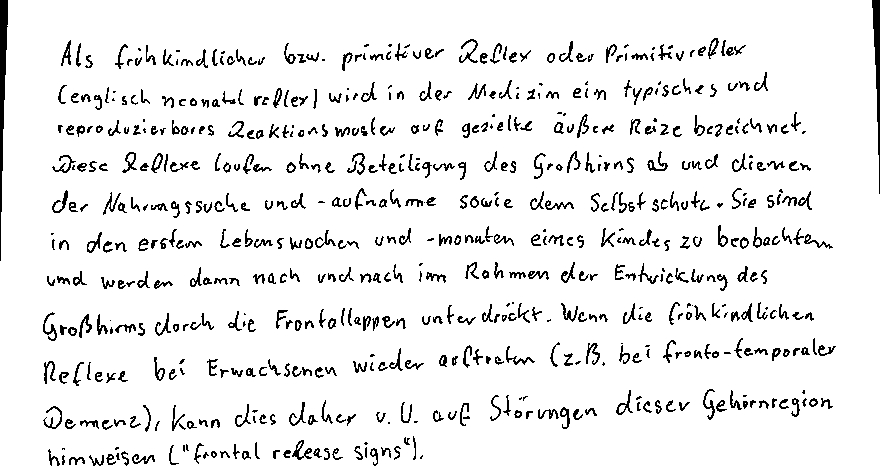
Als frühkindlicher bzw. primitiver Reflex oder Primitivreflex
(englisch neonatal reflex) wird in der Medizin ein typisches und
reproduzierbares Reaktionsmuster auf gezielte äußere Reize bezeichnet.
Diese Reflexe laufen ohne Beteiligung des Großhirns ab und dienen
der Nahrungssuche und -aufnahme sowie dem Selbstschutz. Sie sind
in den ersten Lebenswochen und -monaten eines Kindes zu beobachten
und werden dann nach und nach im Rahmen der Entwicklung des
Großhirns durch die Frontallappen unterdrückt. Wenn die frühkindlichen
Reflexe bei Erwachsenen wieder auftreten (z. B. bei fronto-temporaler
Demenz), kann dies daher u. U. auf Störungen dieser Gehirnregion
hinweisen ("frontal release signs").
